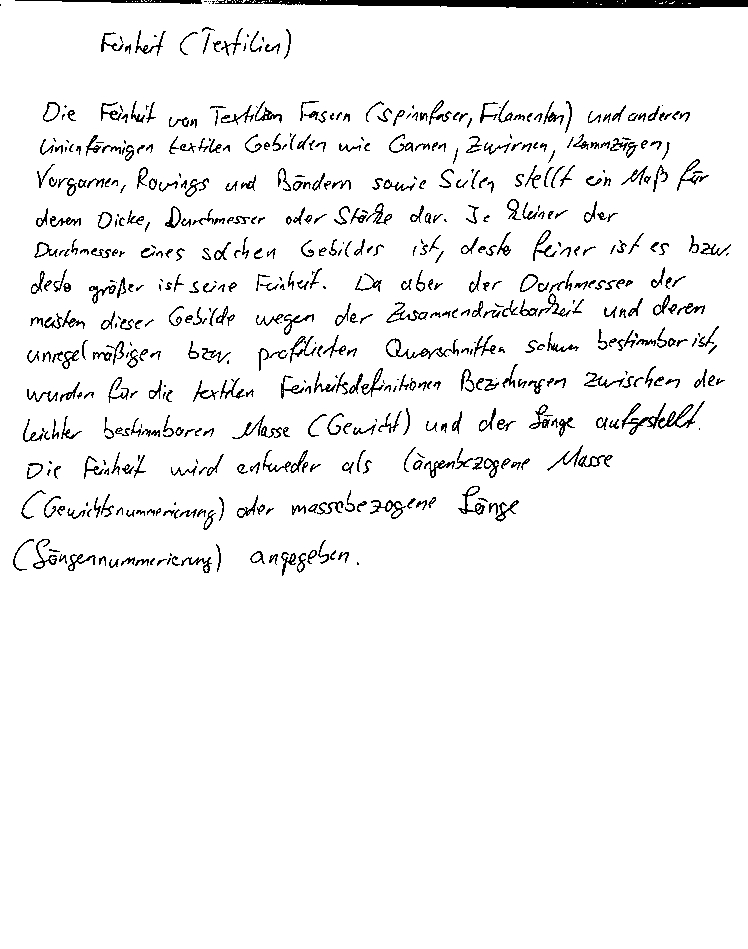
Feinheit (Textilien)
Die Feinheit von textilen Fasern (Spinnfasern, Filamenten) und anderen
linienförmigen textilen Gebilden wie Garnen, Zwirnen, Kammzügen,
Vorgarnen, Rovings und Bändern sowie Seilen stellt ein Maß für
deren Dicke, Durchmesser oder Stärke dar. Je kleiner der
Durchmesser eines solchen Gebildes ist, desto feiner ist es bzw.
desto größer ist seine Feinheit. Da aber der Durchmesser der
meisten dieser Gebilde wegen der Zusammendrückbarkeit und deren
unregelmäßigen bzw. profilierten Querschnitten schwer bestimmbar ist,
wurden für die textilen Feinheitsdefinitionen Beziehungen zwischen der
leichter bestimmbaren Masse (Gewicht) und der Länge aufgestellt.
Die Feinheit wird entweder als längenbezogene Masse
(Gewichtsnummerierung) oder massebezogene Länge
(Längennummerierung) angegeben.
